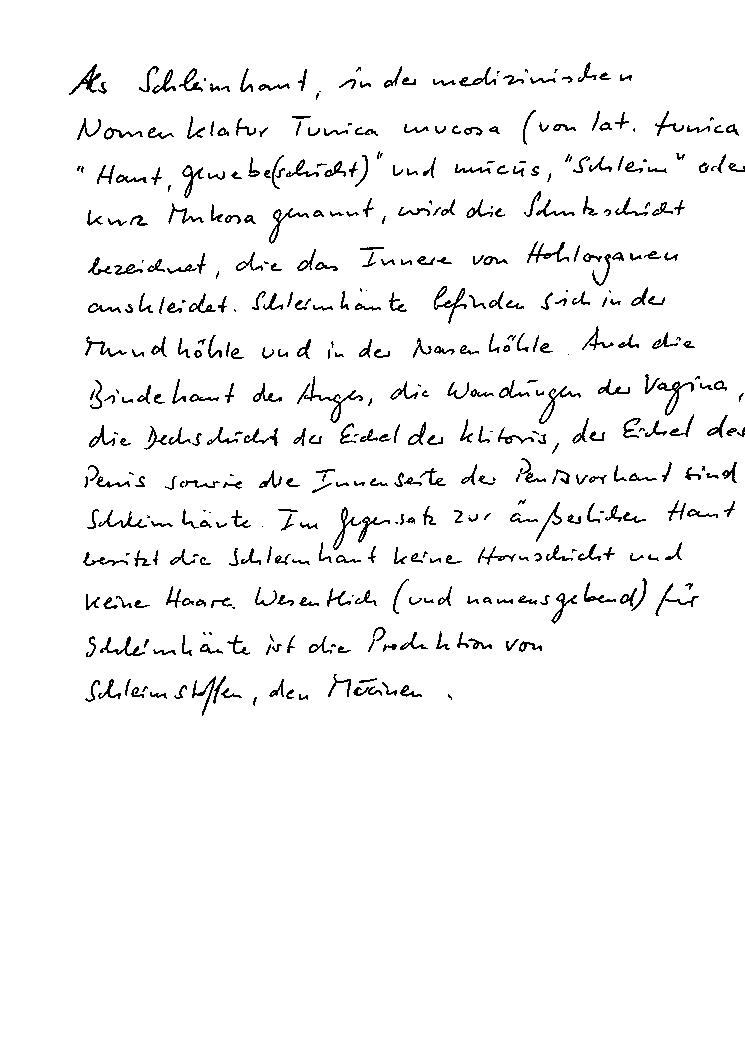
Als Schleimhaut, in der medizinischen
Nomenklatur Tunica mucosa (von lat. tunica
"Haut, Gewebe (schicht)" und mucus, "Schleim" oder
kurz Mukosa genannt, wird die Schutzschicht
bezeichnet, die das Innere von Hohlorganen
auskleidet. Schleimhäute befinden sich in der
Mundhöhle und in der Nasenhöhle. Auch die
Bindehaut des Auges, die Wandungen der Vagina,
die Deckschicht der Eichel der Klitoris, der Eichel des
Penis sowie die Innenseite der Penisvorhaut sind
Schleimhäute. Im Gegensatz zur äußerlichen Haut
besitzt die Schleimhaut keine Hornschicht und
keine Haare. Wesentlich (und namensgebend) für
Schleimhäute ist die Produktion von
Schleimstoffen, den Mucinen.
